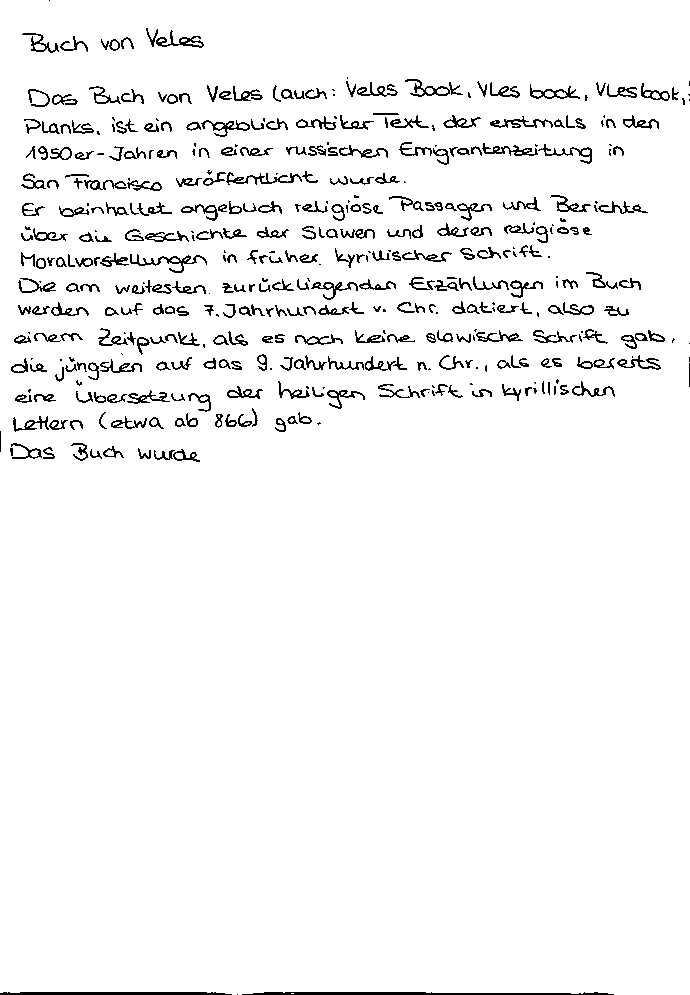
Buch von Veles
Das Buch von Veles (auch: Veles Book, Vles book, Vlesbook,
Planks, ist ein angeblich antiker Text, der erstmals in den
1950er-Jahren in einer russischen Emigrantenzeitung in
San Francisco veröffentlicht wurde.
Er beinhaltet angeblich religiöse Passagen und Berichte
über die Geschichte der Slawen und deren religiöse
Moralvorstellungen in früher kyrillischer Schrift.
Die am weitesten zurückliegenden Erzählungen im Buch
werden auf das 7. Jahrhundert v. Chr. datiert, also zu
einem Zeitpunkt, als es noch keine slawische Schrift gab,
die jüngsten auf das 9. Jahrhundert n. Chr., als es bereits
eine Übersetzung der heiligen Schrift in kyrillischen
Lettern (etwa ab 866) gab.
Das Buch wurde
